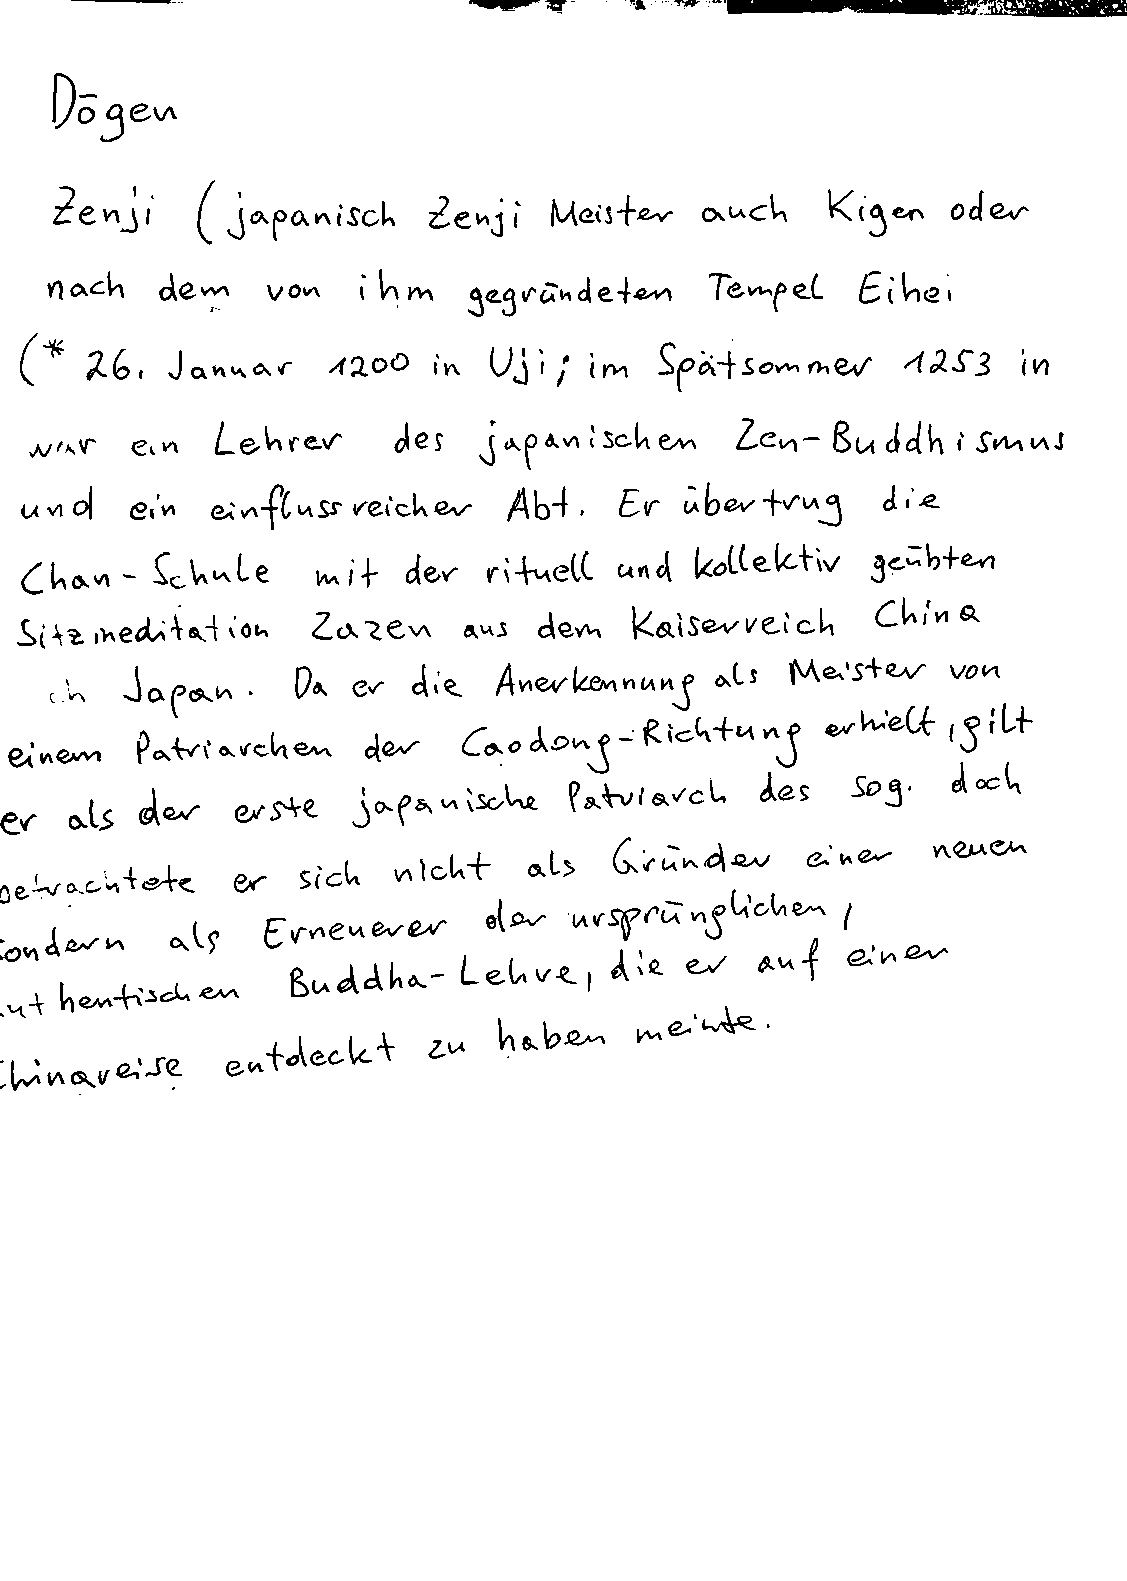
Dōgen
Zenji (japanisch Zenji Meister auch Kigen oder
nach dem von ihm gegründeten Tempel Eihei
(* 26. Januar 1200 in Uji; im Spätsommer 1253 in
war ein Lehrer des japanischen Zen-Buddhismus
und ein einflussreicher Abt. Er übertrug die
Chan-Schule mit der rituell und Kollektiv geübten
Sitzmeditation Zazen aus dem Kaiserreich China
Japan. Da er die Anerkennung als Meister von
einem Patriarchen der Caodong-Richtung erhielt gilt
er als der erste japanische Patriarch des sog. doch
betrachtete er sich nicht als Gründer einer neuen
ondern als Erneuerer der ursprünglichen,
authentischen Buddha-Lehre, die er auf einer
hinareise entdeckt zu haben meinte.
